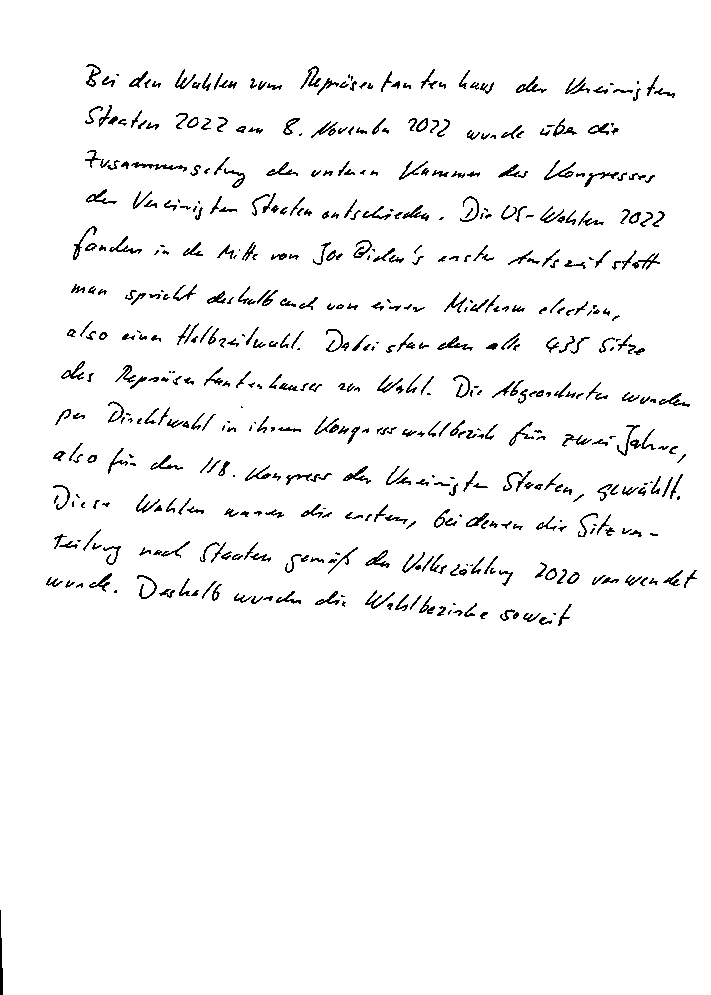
Bei den Wahlen zum Repräsentantenhaus der Vereinigten
Staaten 2022 am 8. November 2022 wurde über die
Zusammensetzung der unteren Kammer des Kongresses
der Vereinigten Staaten entschieden.Die US-Wahlen 2022
fanden in der Mitte von Joe Bidens erster Amtszeit statt
man spricht deshalb auch von einer Midterm election,
also einer Halbzeitwahl. Dabei standen alle 435 Sitze
des Repräsentantenhauses zur Wahl. Die Abgeordneten wurden
per Direktwahl in ihrem Kongresswahlbezirk für zwei Jahre,
also für den 118. Kongress der Vereinigten Staaten, gewählt.
Diese Wahlen waren die ersten, bei denen die Sitzve-
teilung nach Staaten gemäß der Volkszählung 2020 verwendet
wurde. Deshalb wurden die Wahlbezirke soweit
